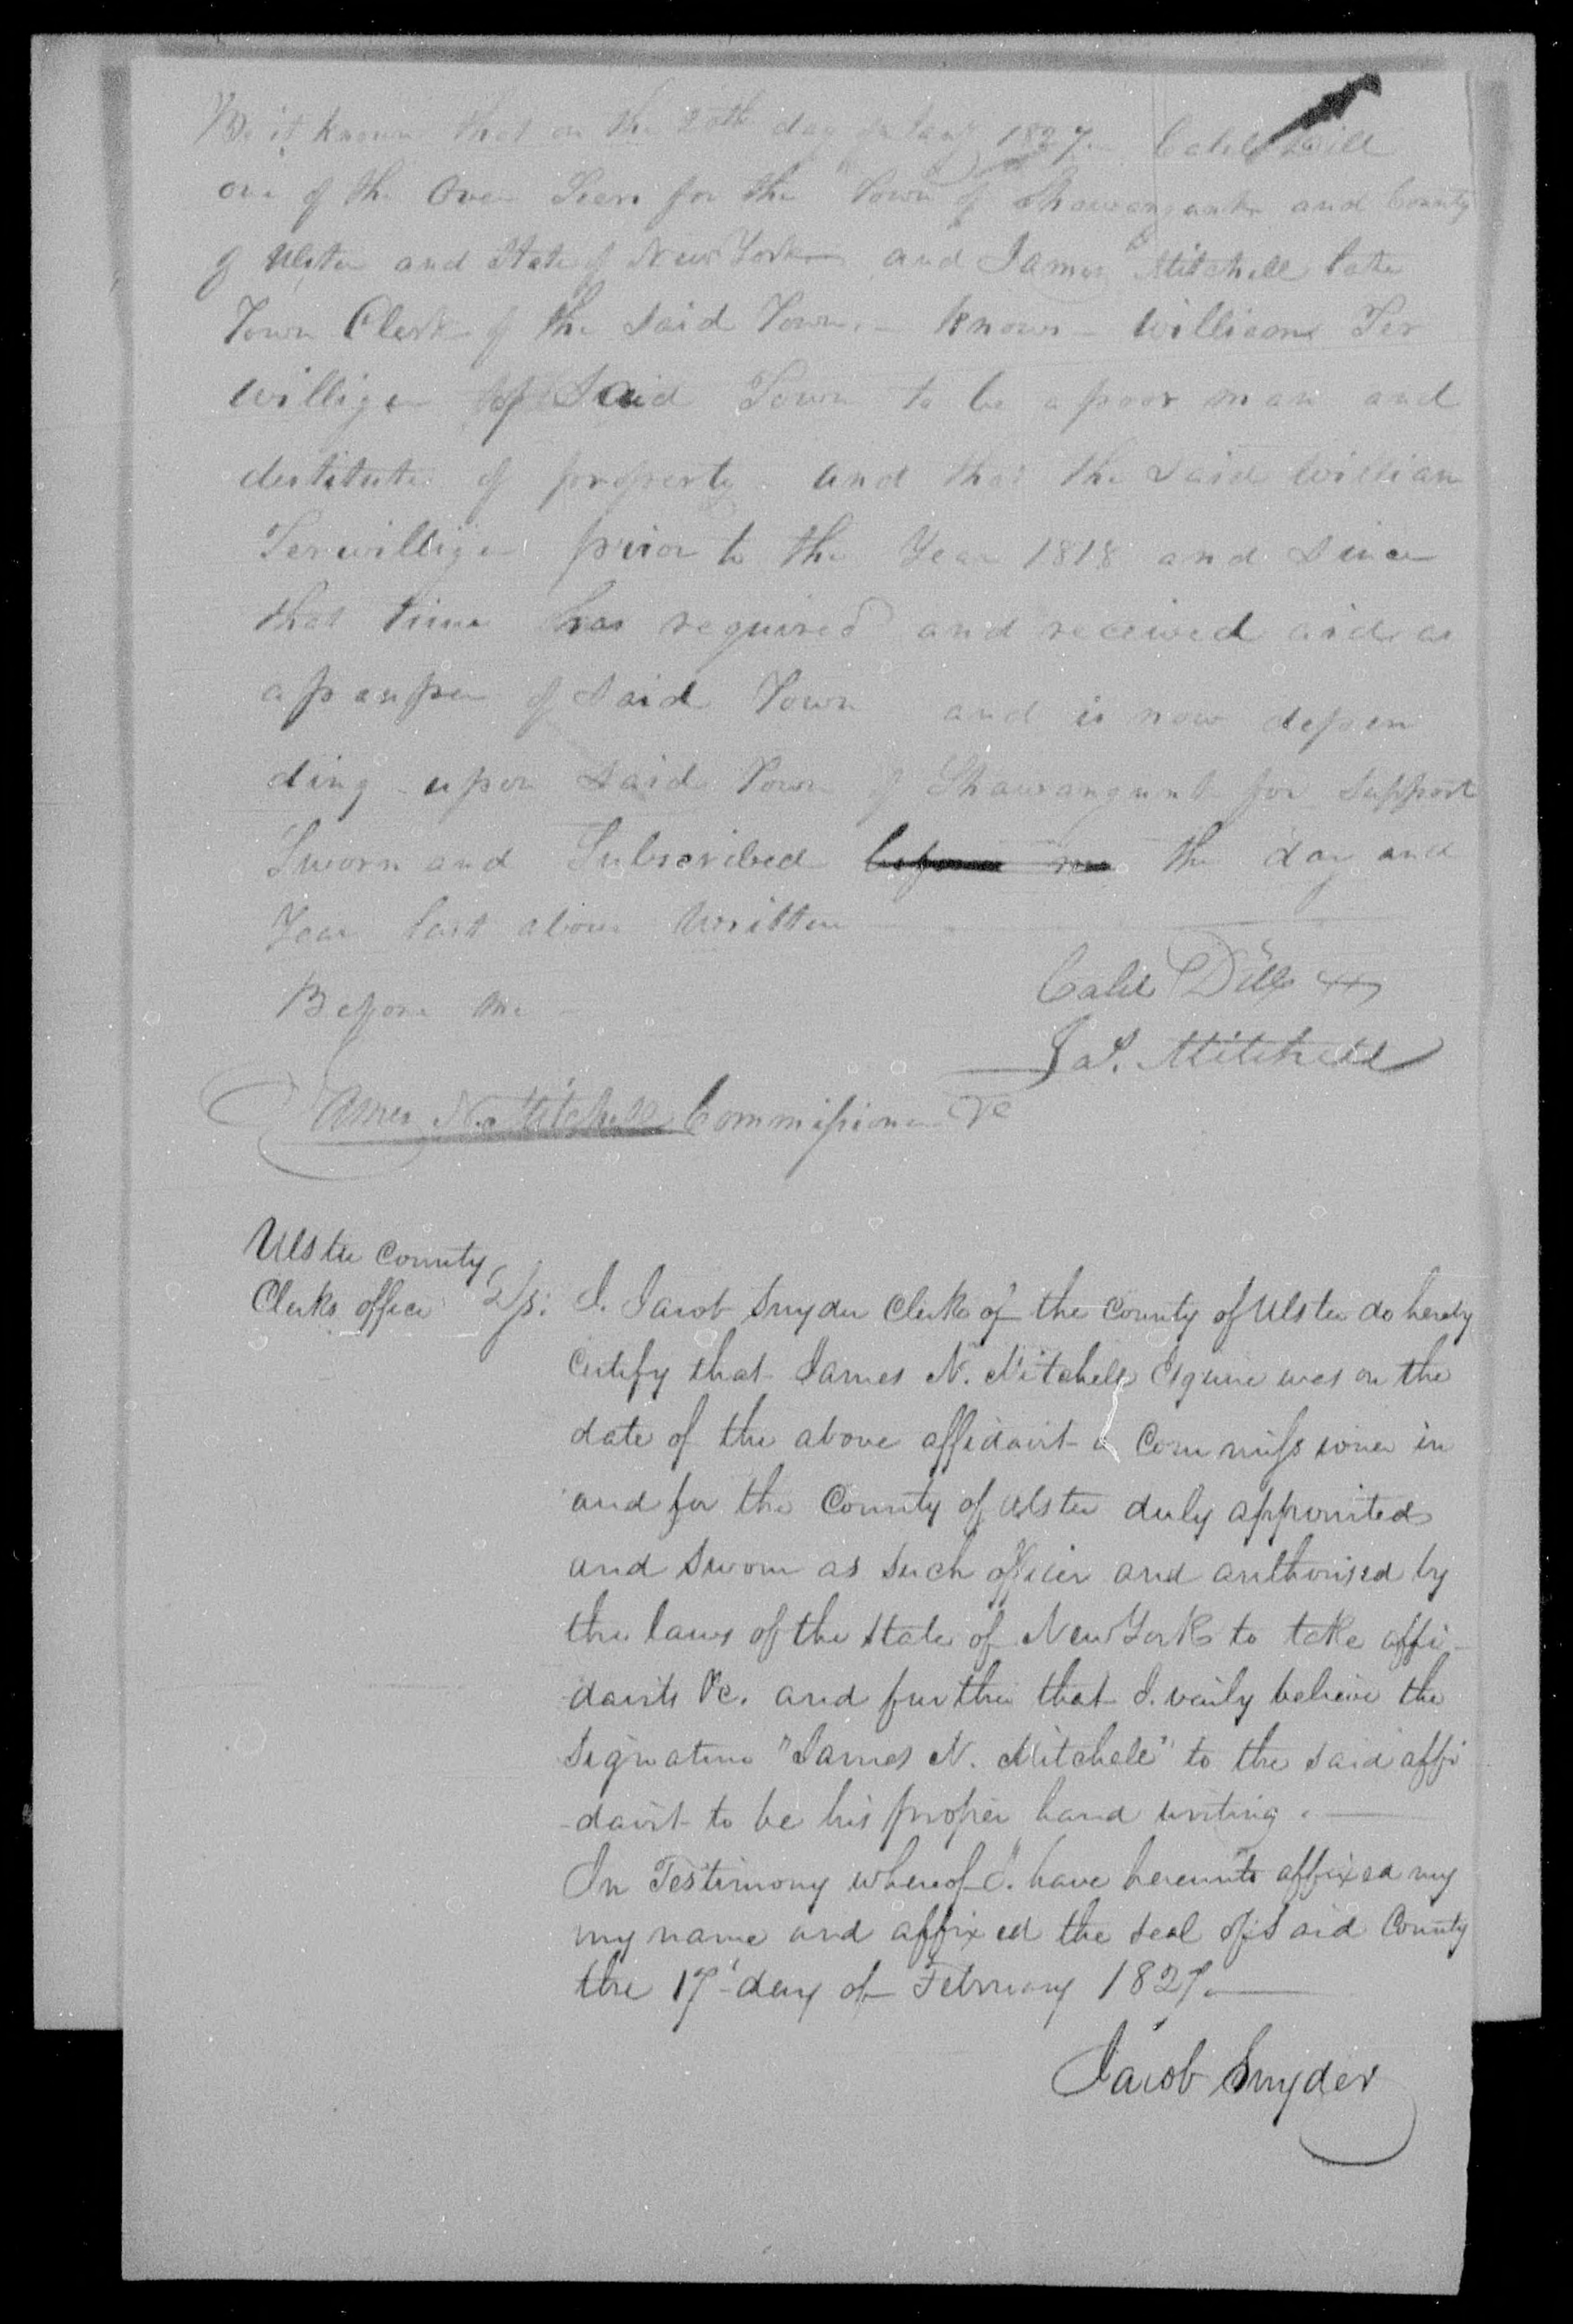Be it Known that on the 20th day of Jany 1827
one of the Overseers for the Town of Rowan and County
of Ulster and State of New York and James Mitchell late
Town Clerk of the said Town, knows William Terwilliger of said Town to be a poor man and
destitute of property and that the said William
Terwilliger prior to the year 1818 and such
that time has required and received aide as a pauper of said Town
and is now depending upon said town of Shawangunk for support

Caleb Dill
Jas Mitchell

Sworn and Subscribed the day and
year last above written
Before me
James N Mitchell
Commissioner

Ulster County
Clerks office
I Jacob Snyder Clerk of the County of Ulster do hereby
certify that James N. Mitchell Esquire was on the
date of the above affidavit a commissioner in
and for the County of Ulster duly appointed
and sworn as such officer and authorised by
the laws of the State of New York to take off
affidavits and further that I verily believe the
Signature "James N. Mitchell to the said affidavit to be his proper hand writing
In Testimony whereof I have hereunto affixed my
my name and affixed the seal of said County
the 17th day of February 1827.

Jacob Snyder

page: 64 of 64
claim: survivor's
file: S. 42,464, for William Terwilliger, New York